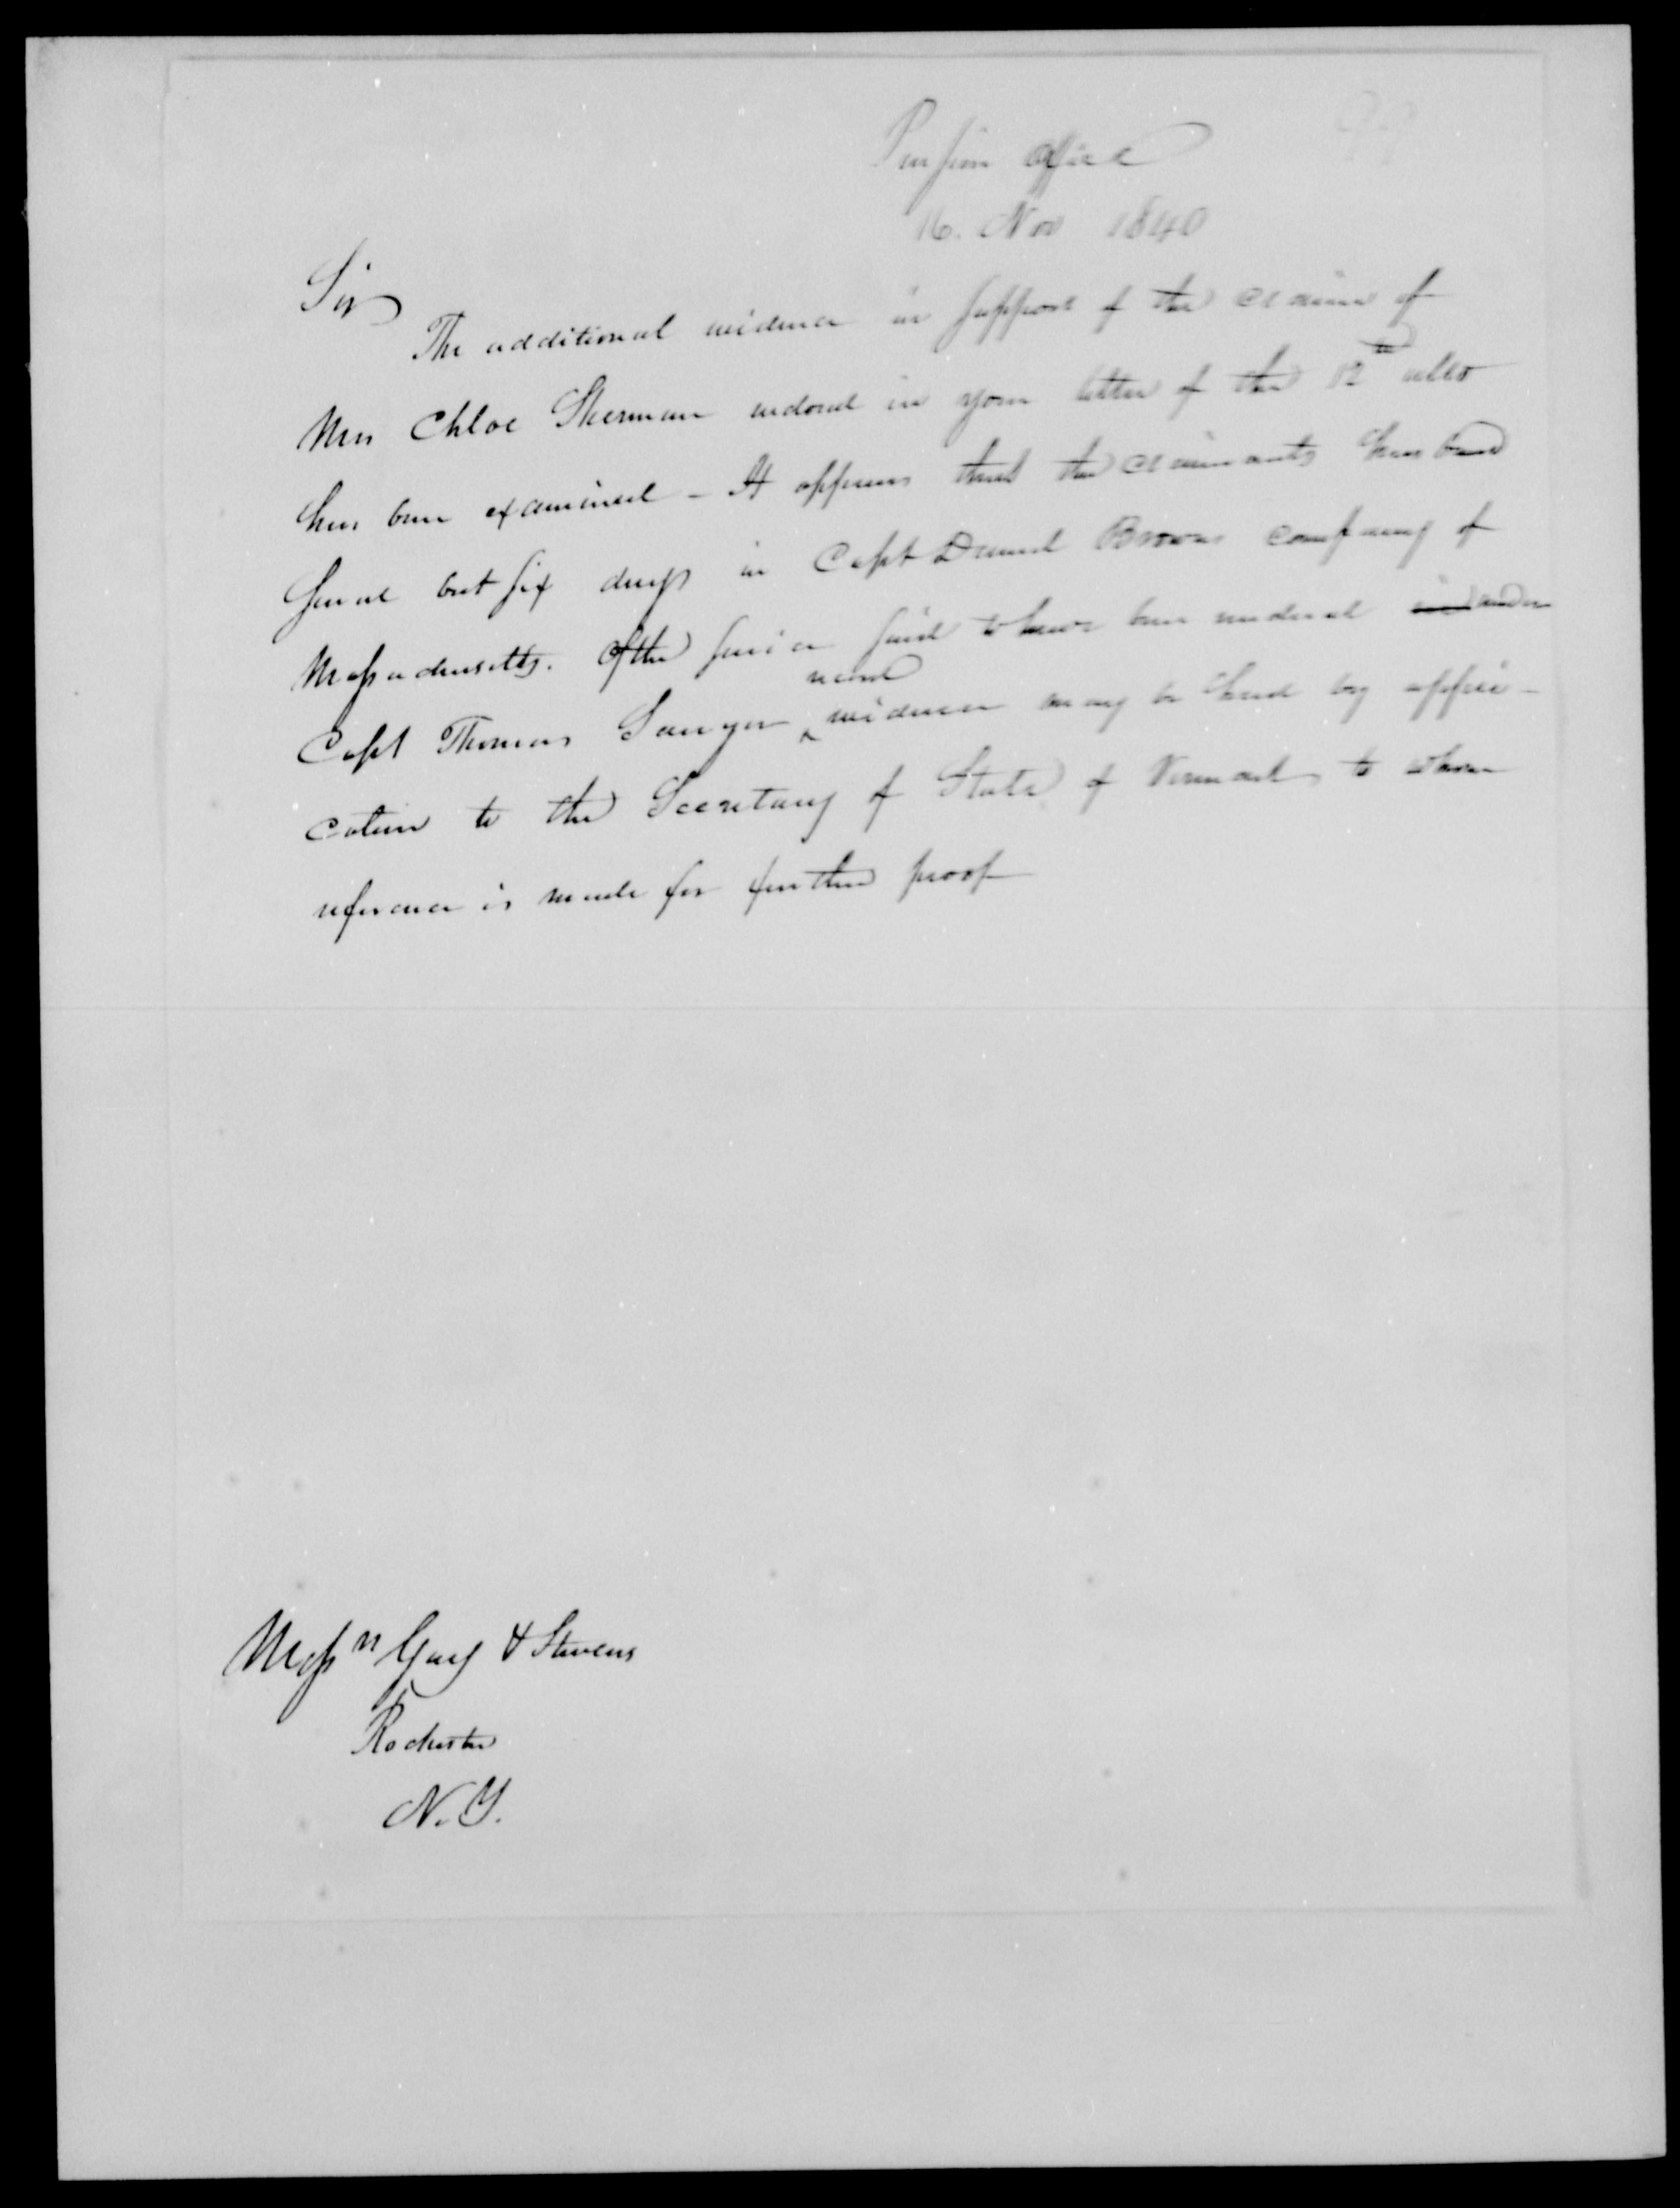Sir
Penna
16. Nov 1840
The additional widence
support of the case of
M Chloe Sherman endend in your atter of the 12
then been examined. It appears that the ments
same at six days in Capt Daniel Browns Company
Massachusetts of the union and that he undered
Capt Thomas Sanger wide by and by the
cation to the Secretary of State of Vermont
reference is made for further proof
Miss Gay & Stevens
Rochester
N. Y.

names: Chloe Sherman; Thomas Sawyer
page: 31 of 52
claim: rejected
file: R. 9493, for George Sherman, Vermont